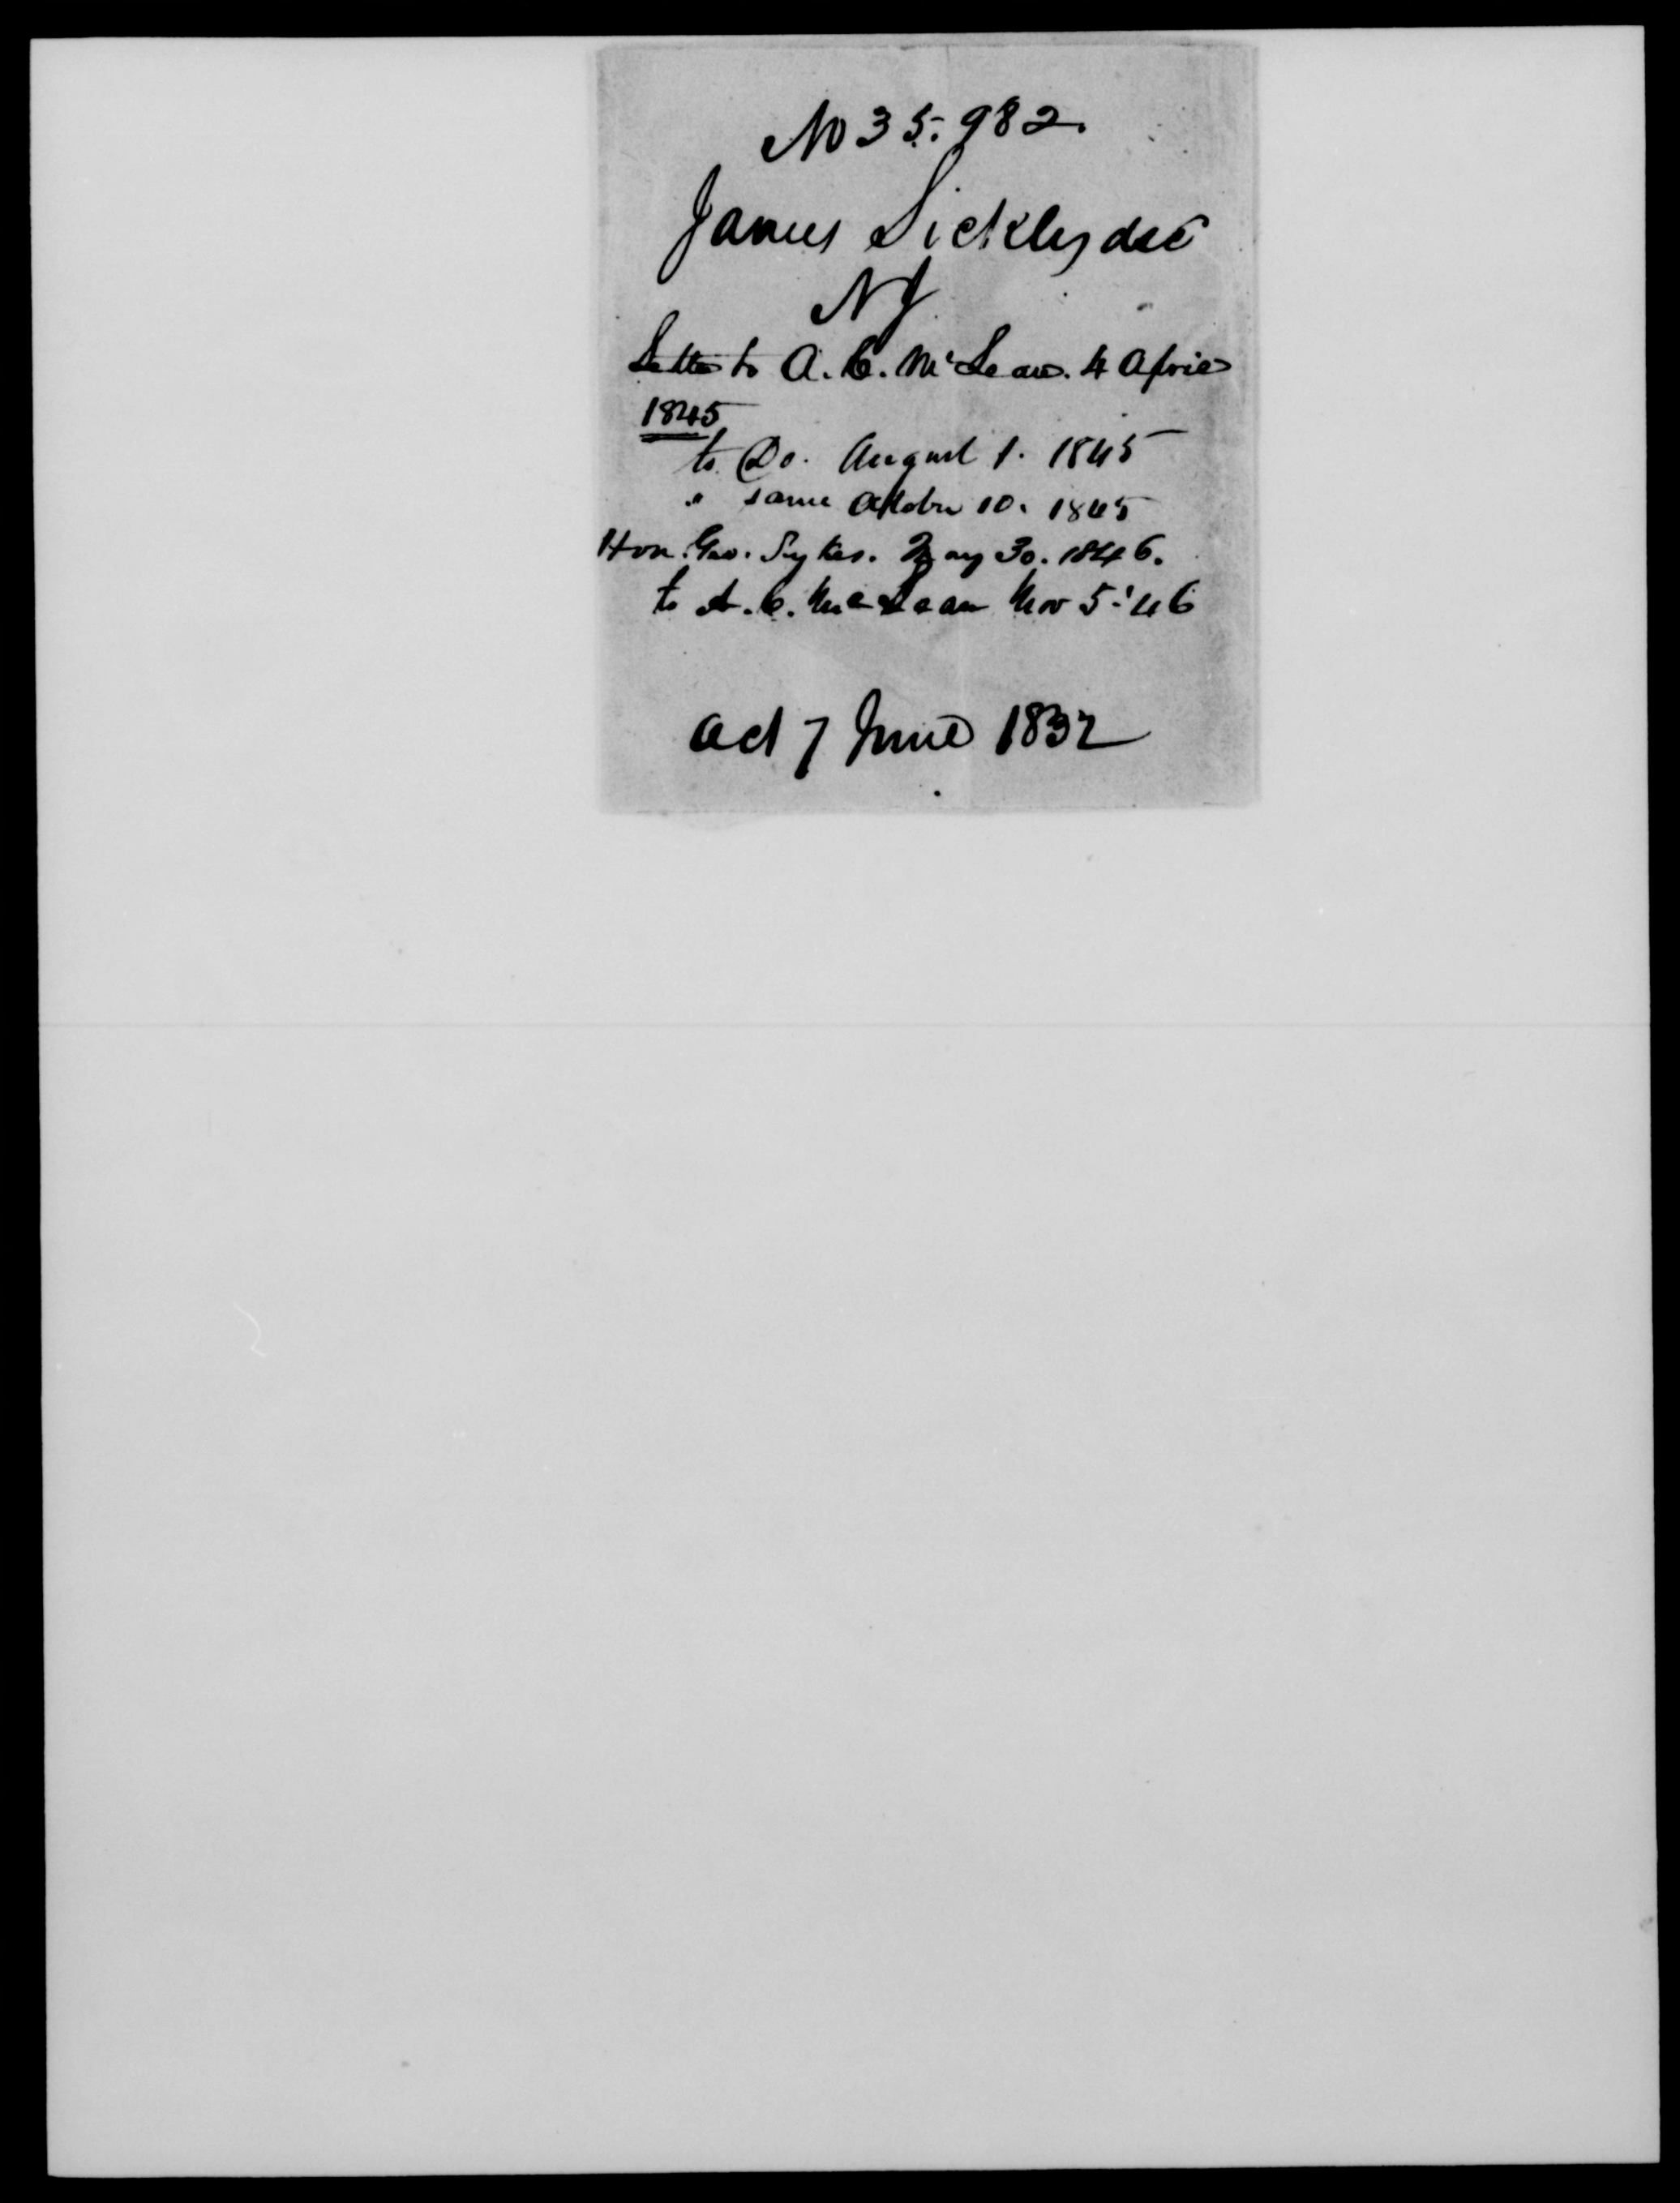No 35,982.
James Sickles decd
NJ
Letter to A. C. McLean 4 Af[illegible]
1845
to Do. August 1 1845
" same October 10, 1845
Hon. Geo. Sykes. May 30, 1846.
to A. C. McLean Nov 5 '46
Act 7 June 1832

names: A C Mc Lean; A C Mc Lean; Geo Seykes; James Sickles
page: 10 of 33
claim: survivor's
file: S. 4,841, for James Sickles, New Jersey